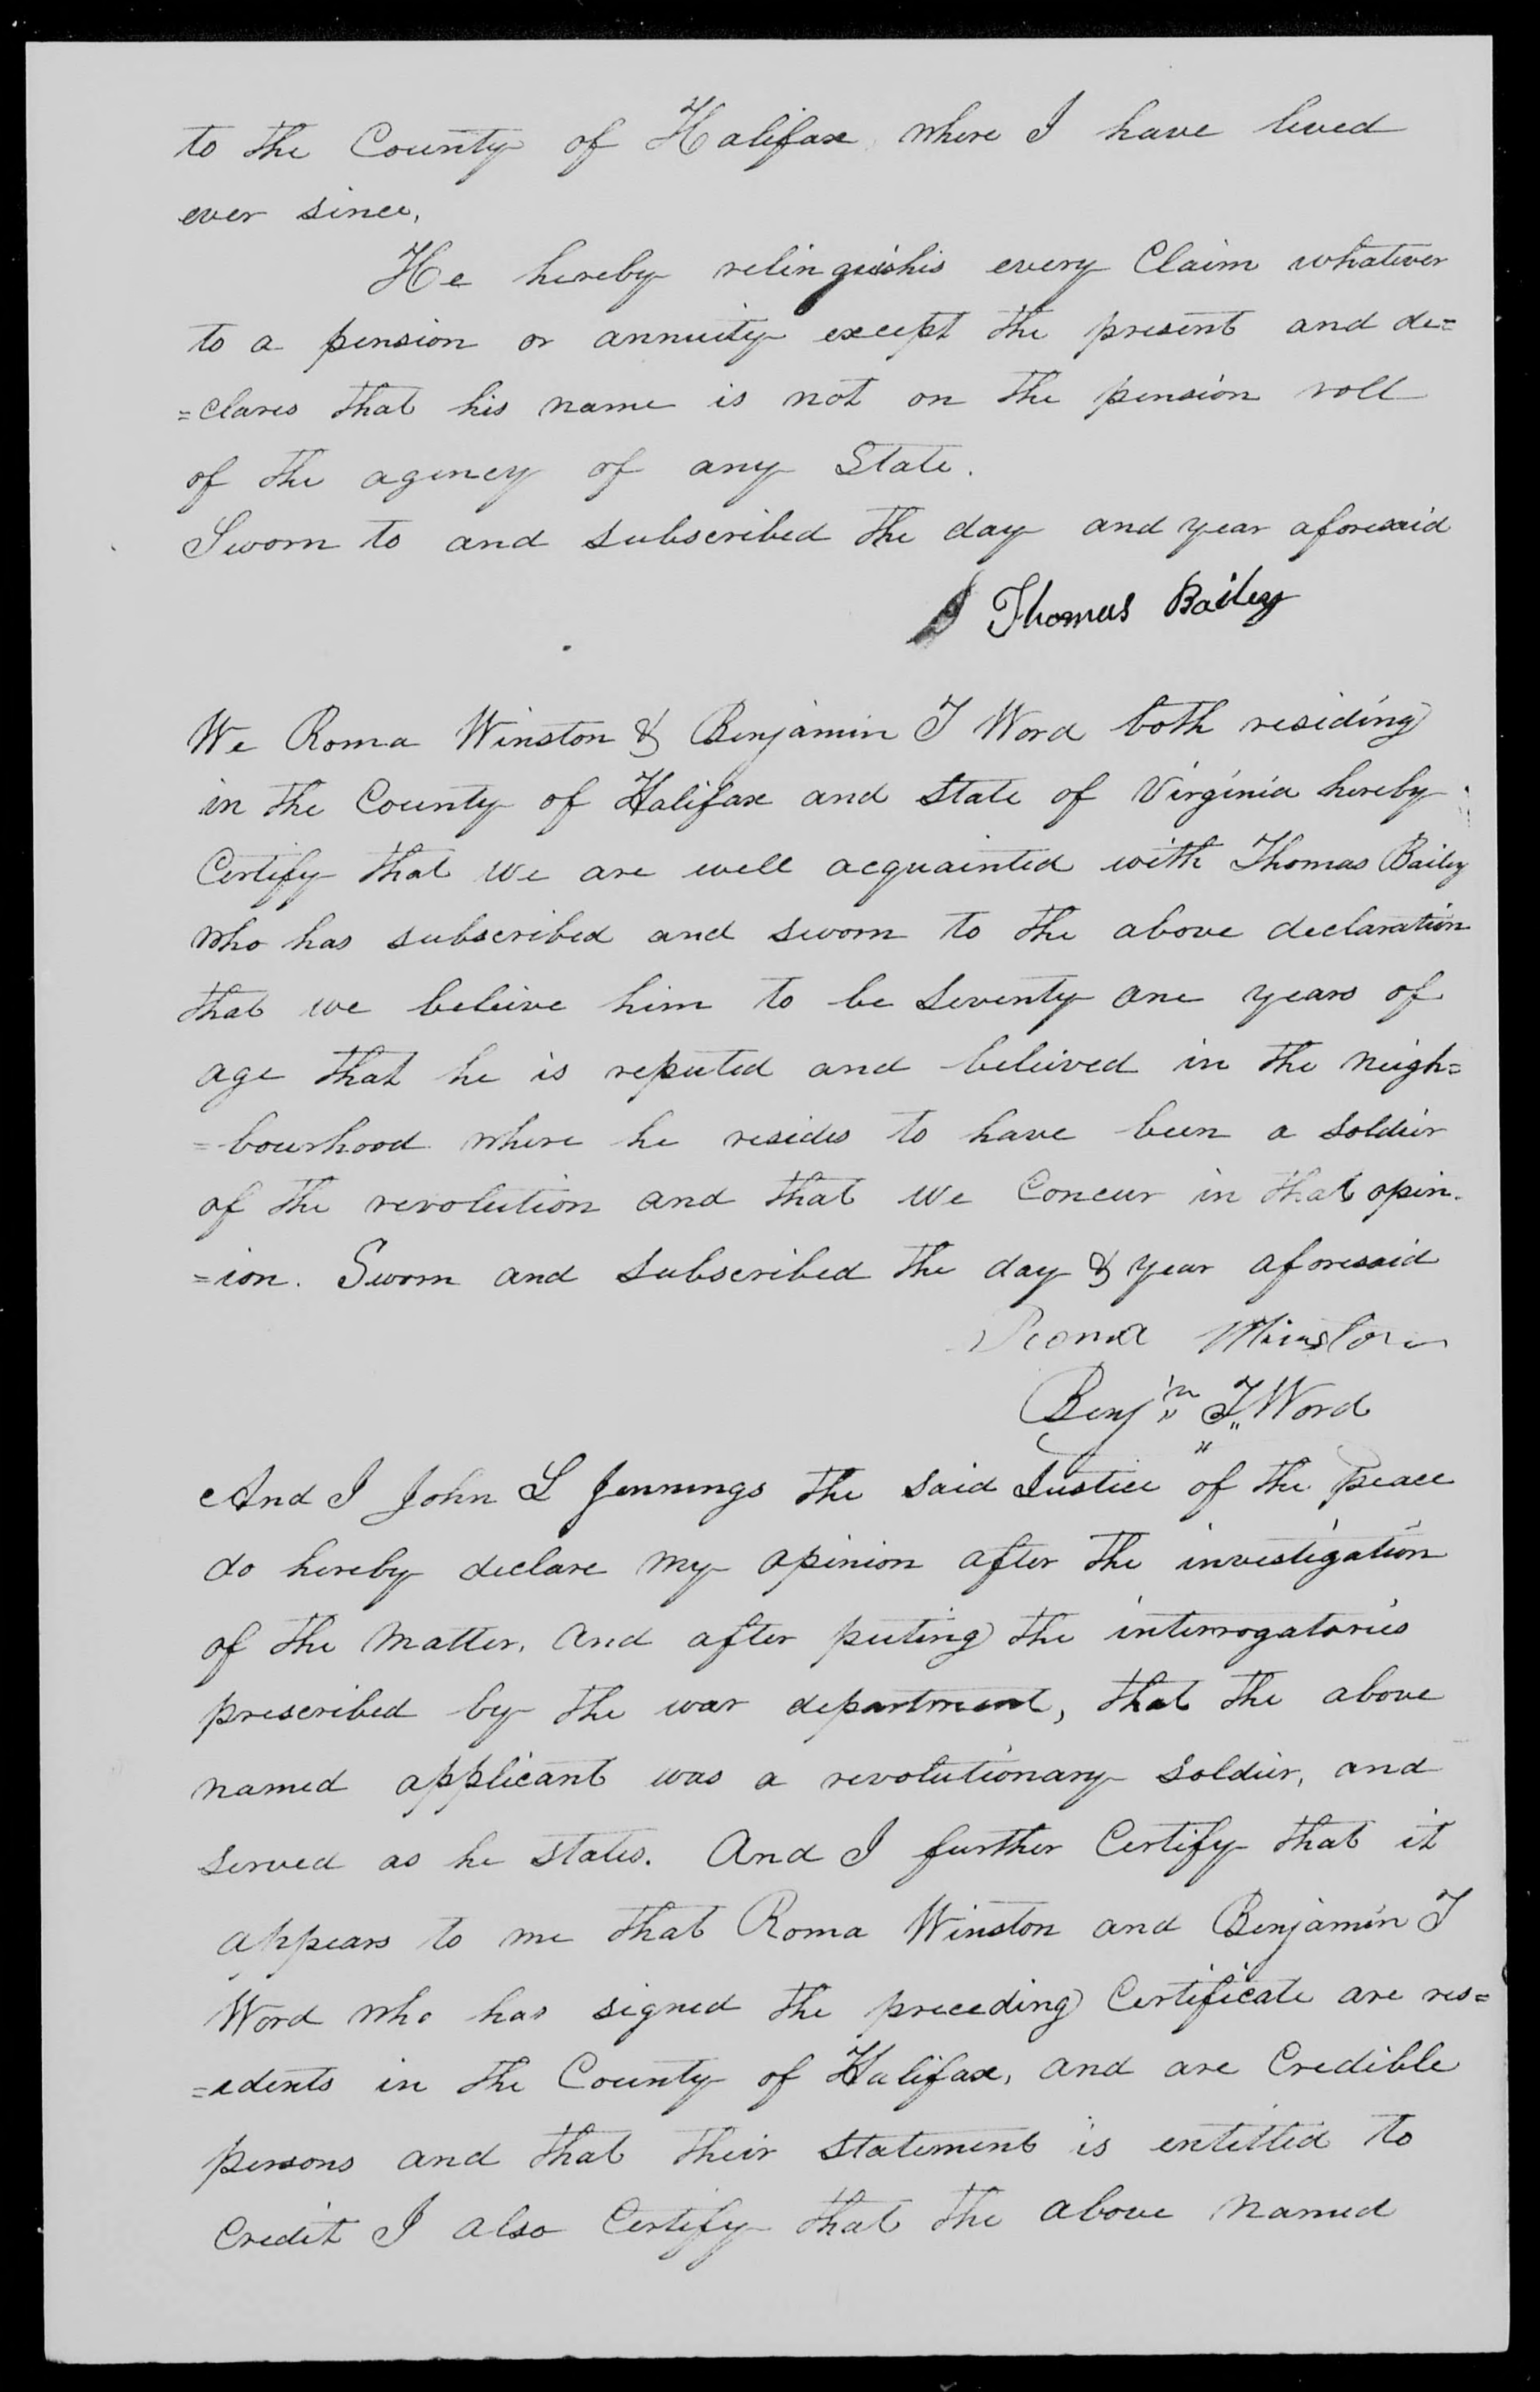to the County of Halifax where I have lived
ever since.
He hereby relinquishes every claim whatever
to a pension or annuity except the present and 
declares that his name is not on the pension roll
of the agency of any State.
Sworn to and subscribed the day and year aforesaid
Thomas Bailey

We Roma Winston +Benjamin T Word both residing
in the County of Halifax and State of Virginia hereby
Certify that we are well acquainted with Thomas Bailey
who has subscribed and sworn to the above declaration
that we believe him to be Seventy one years of
age that he is reputed and believed in the 
neighborhood where he resides to have been a Soldier
of the revolution and that we concur in that opinion.
Sworn and subscribed the day + year aforesaid
Roma Wsinston
Benj'n T Word
And I John L Jennings the said Justice of the peace
do hereby declare my opinion after the investigation
of the matter, and after puting the interrogatories
prescribed by the war department, that the above
named applicant was a revolutionary Soldier, and
served as he states.  And I further Certify that it
appears to me that Roma Winston and Benjamin T
Word who has signed the preceding Certificate are 
residents in the County of Halifax, and are Credible
persons and that their statements is entitled to
credit I also Certify that the above named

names: Thomas Bailey, John L Jennings, Thomas Bailey, Benjn T Word, Roma Winston, Benjamin T Word, Roma Winston, Roma Winston, Benjamin T Word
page: 7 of 18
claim: survivor's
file: S. 6578, Thomas Bailey, Va.